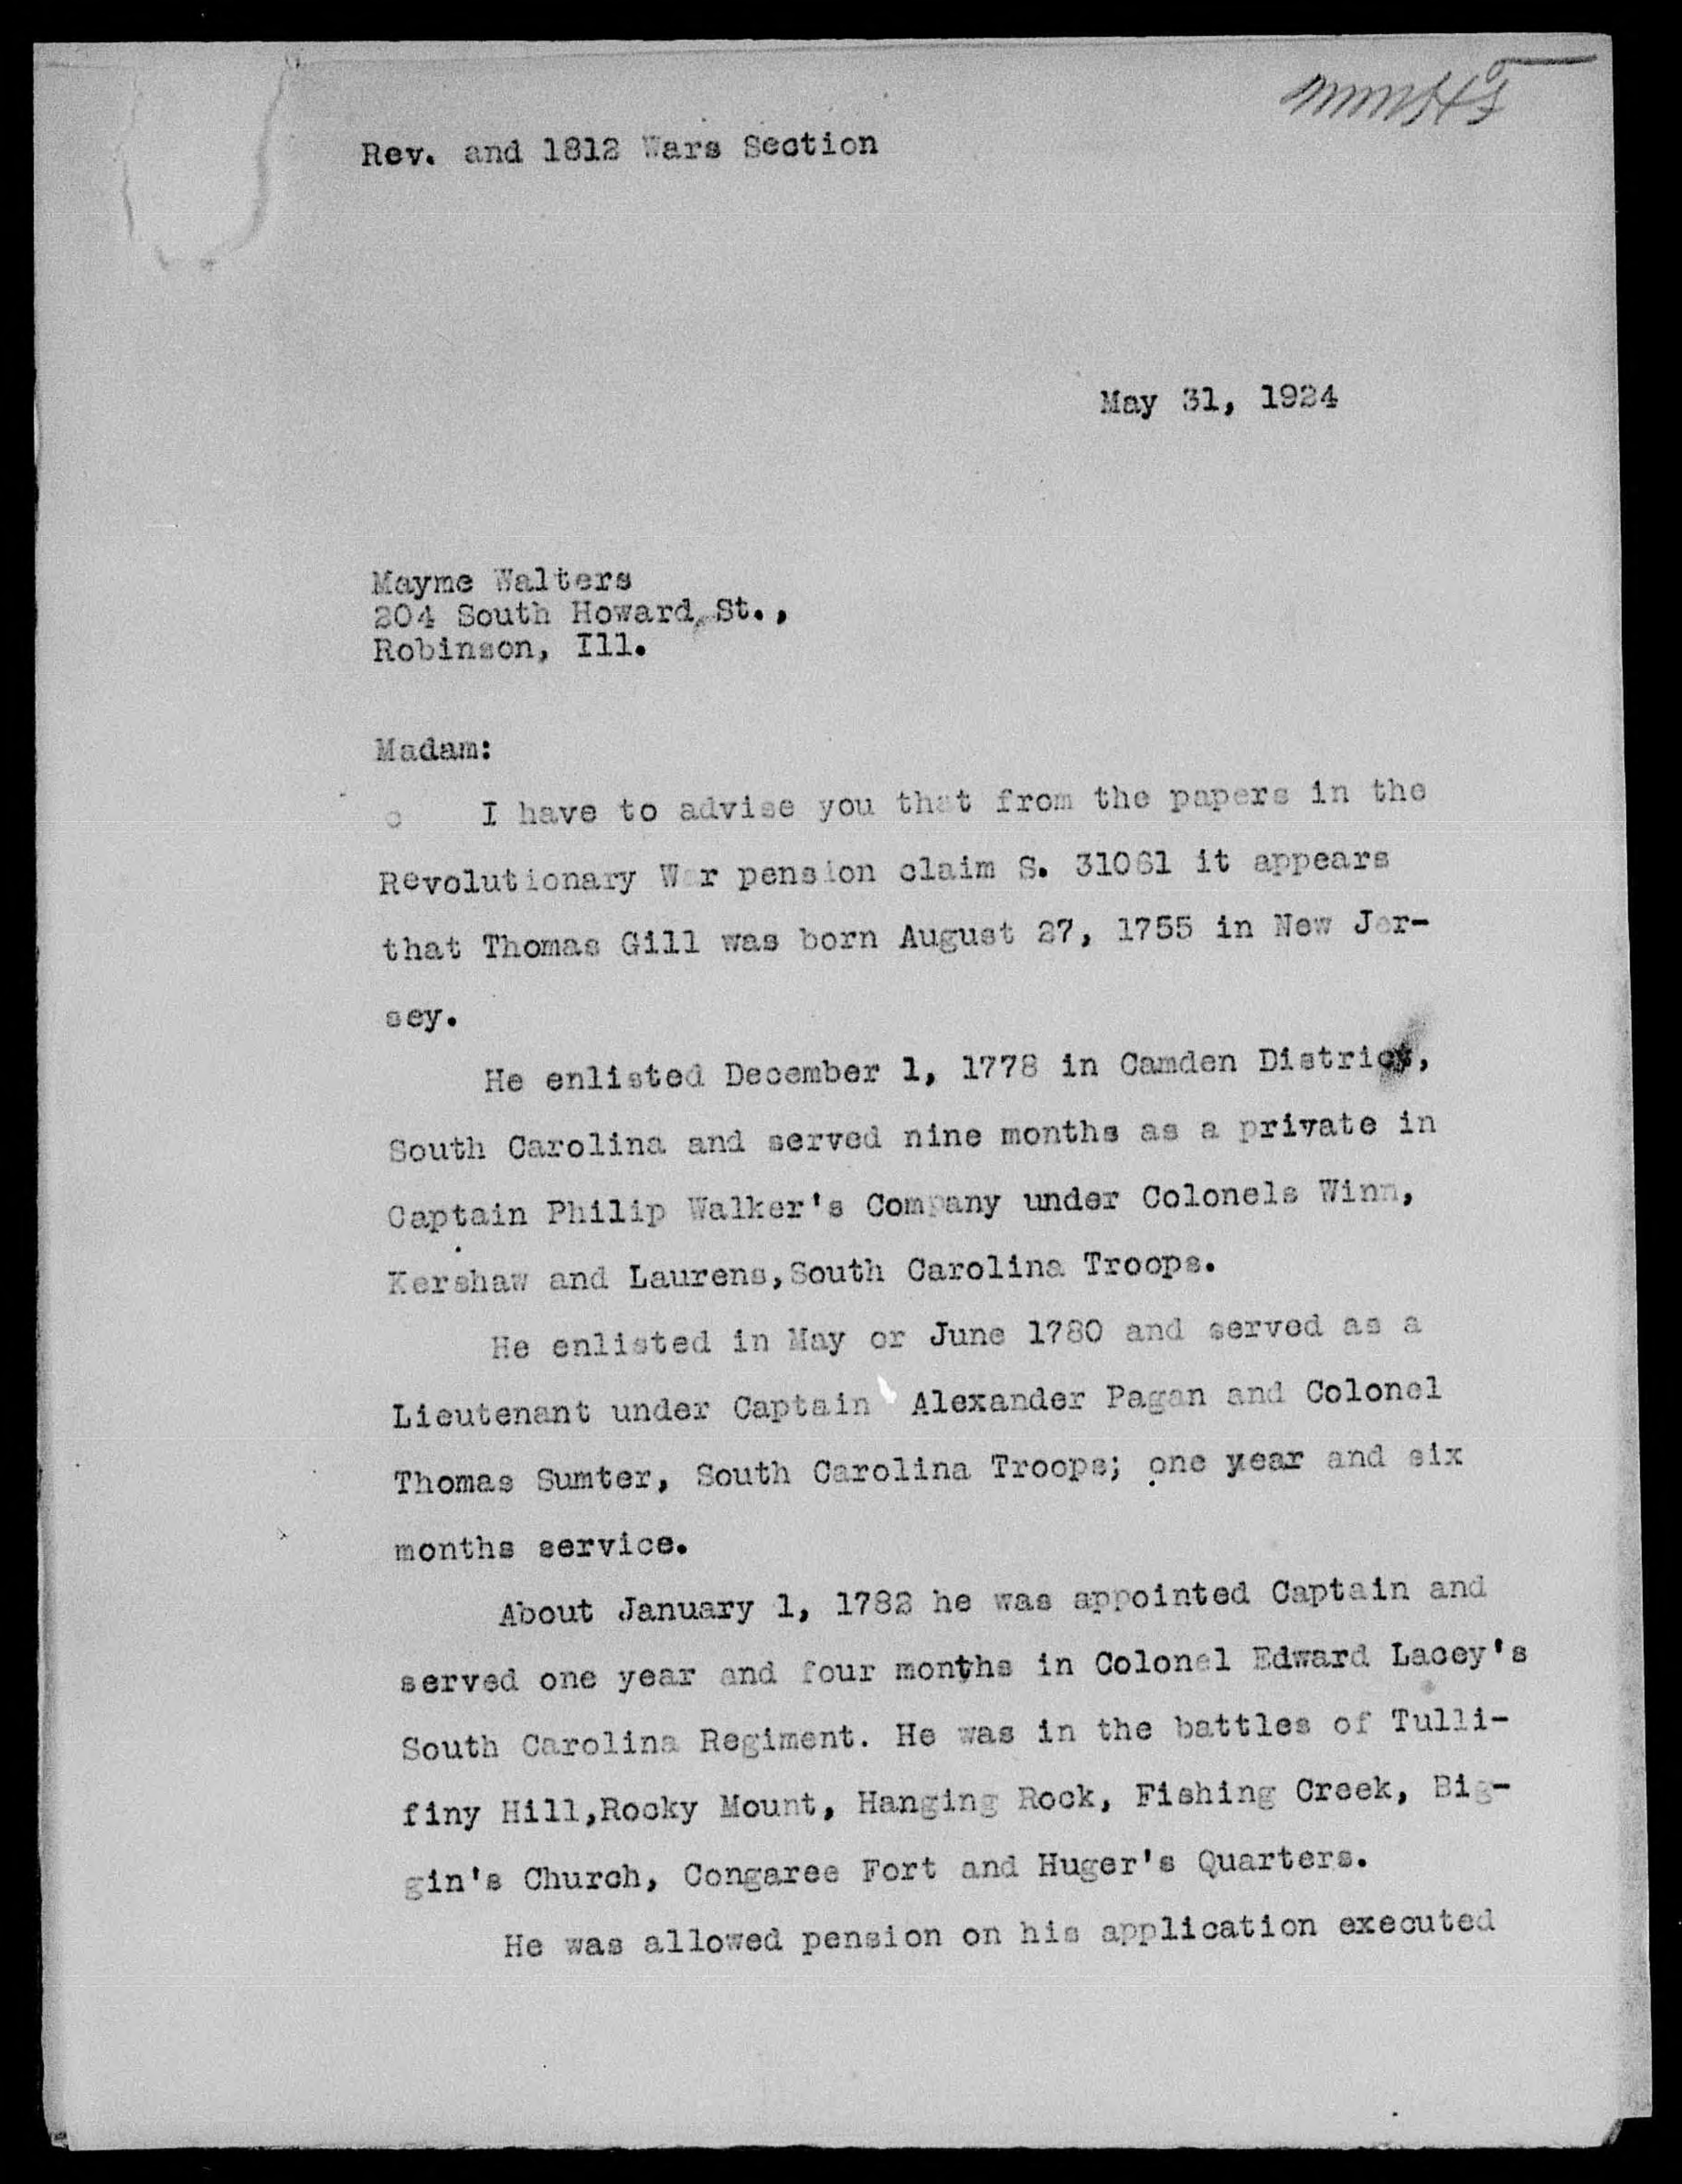Rev &1812 Wars Section
May 31, 1924
Mayme Walters
204 South Howard St.
Robinson, ILL
Madam:
I have to advise you that from the papers in the papers in the Revolutionary War pension claim S. 31061 it appears that Thomas Gill was born August 27, 1755 in New Jersey.
He enlisted December 1, 1778 in Camden District, South Carolina and served nine months as a private in Captain Philip Walker's Company under Colonels [Richard] Winn, [Joseph] Kershaw and [John] Laurens, South Carolina Troops.
   He enlisted in May or June 1780 and served as a Lieutenant under Captain Alexander Pagan and Colonel Thomas Sumter, South Carolina Troops; one year and six months.
   About January 1, 1782 he was appointed Captain and served one year and four months in Colonel Edward Lacey's South Carolina Regiment. he was in the battles of Tullifiny [Tulifinney Bridge] Hill, Rocky Mount, Hanging Rock, Fishing Creek, Biggins Church, Congaree Fort [Granby] and Huger's Quarter.
    He was allowed pension on his application executed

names: Alexander Pagan, Thomas Gill, Winn, Mayme Walters, Thomas Sumter, Laurens, Kershaw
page: 17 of 44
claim: survivor's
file: S. 31,061, Thomas Gill, S.C.